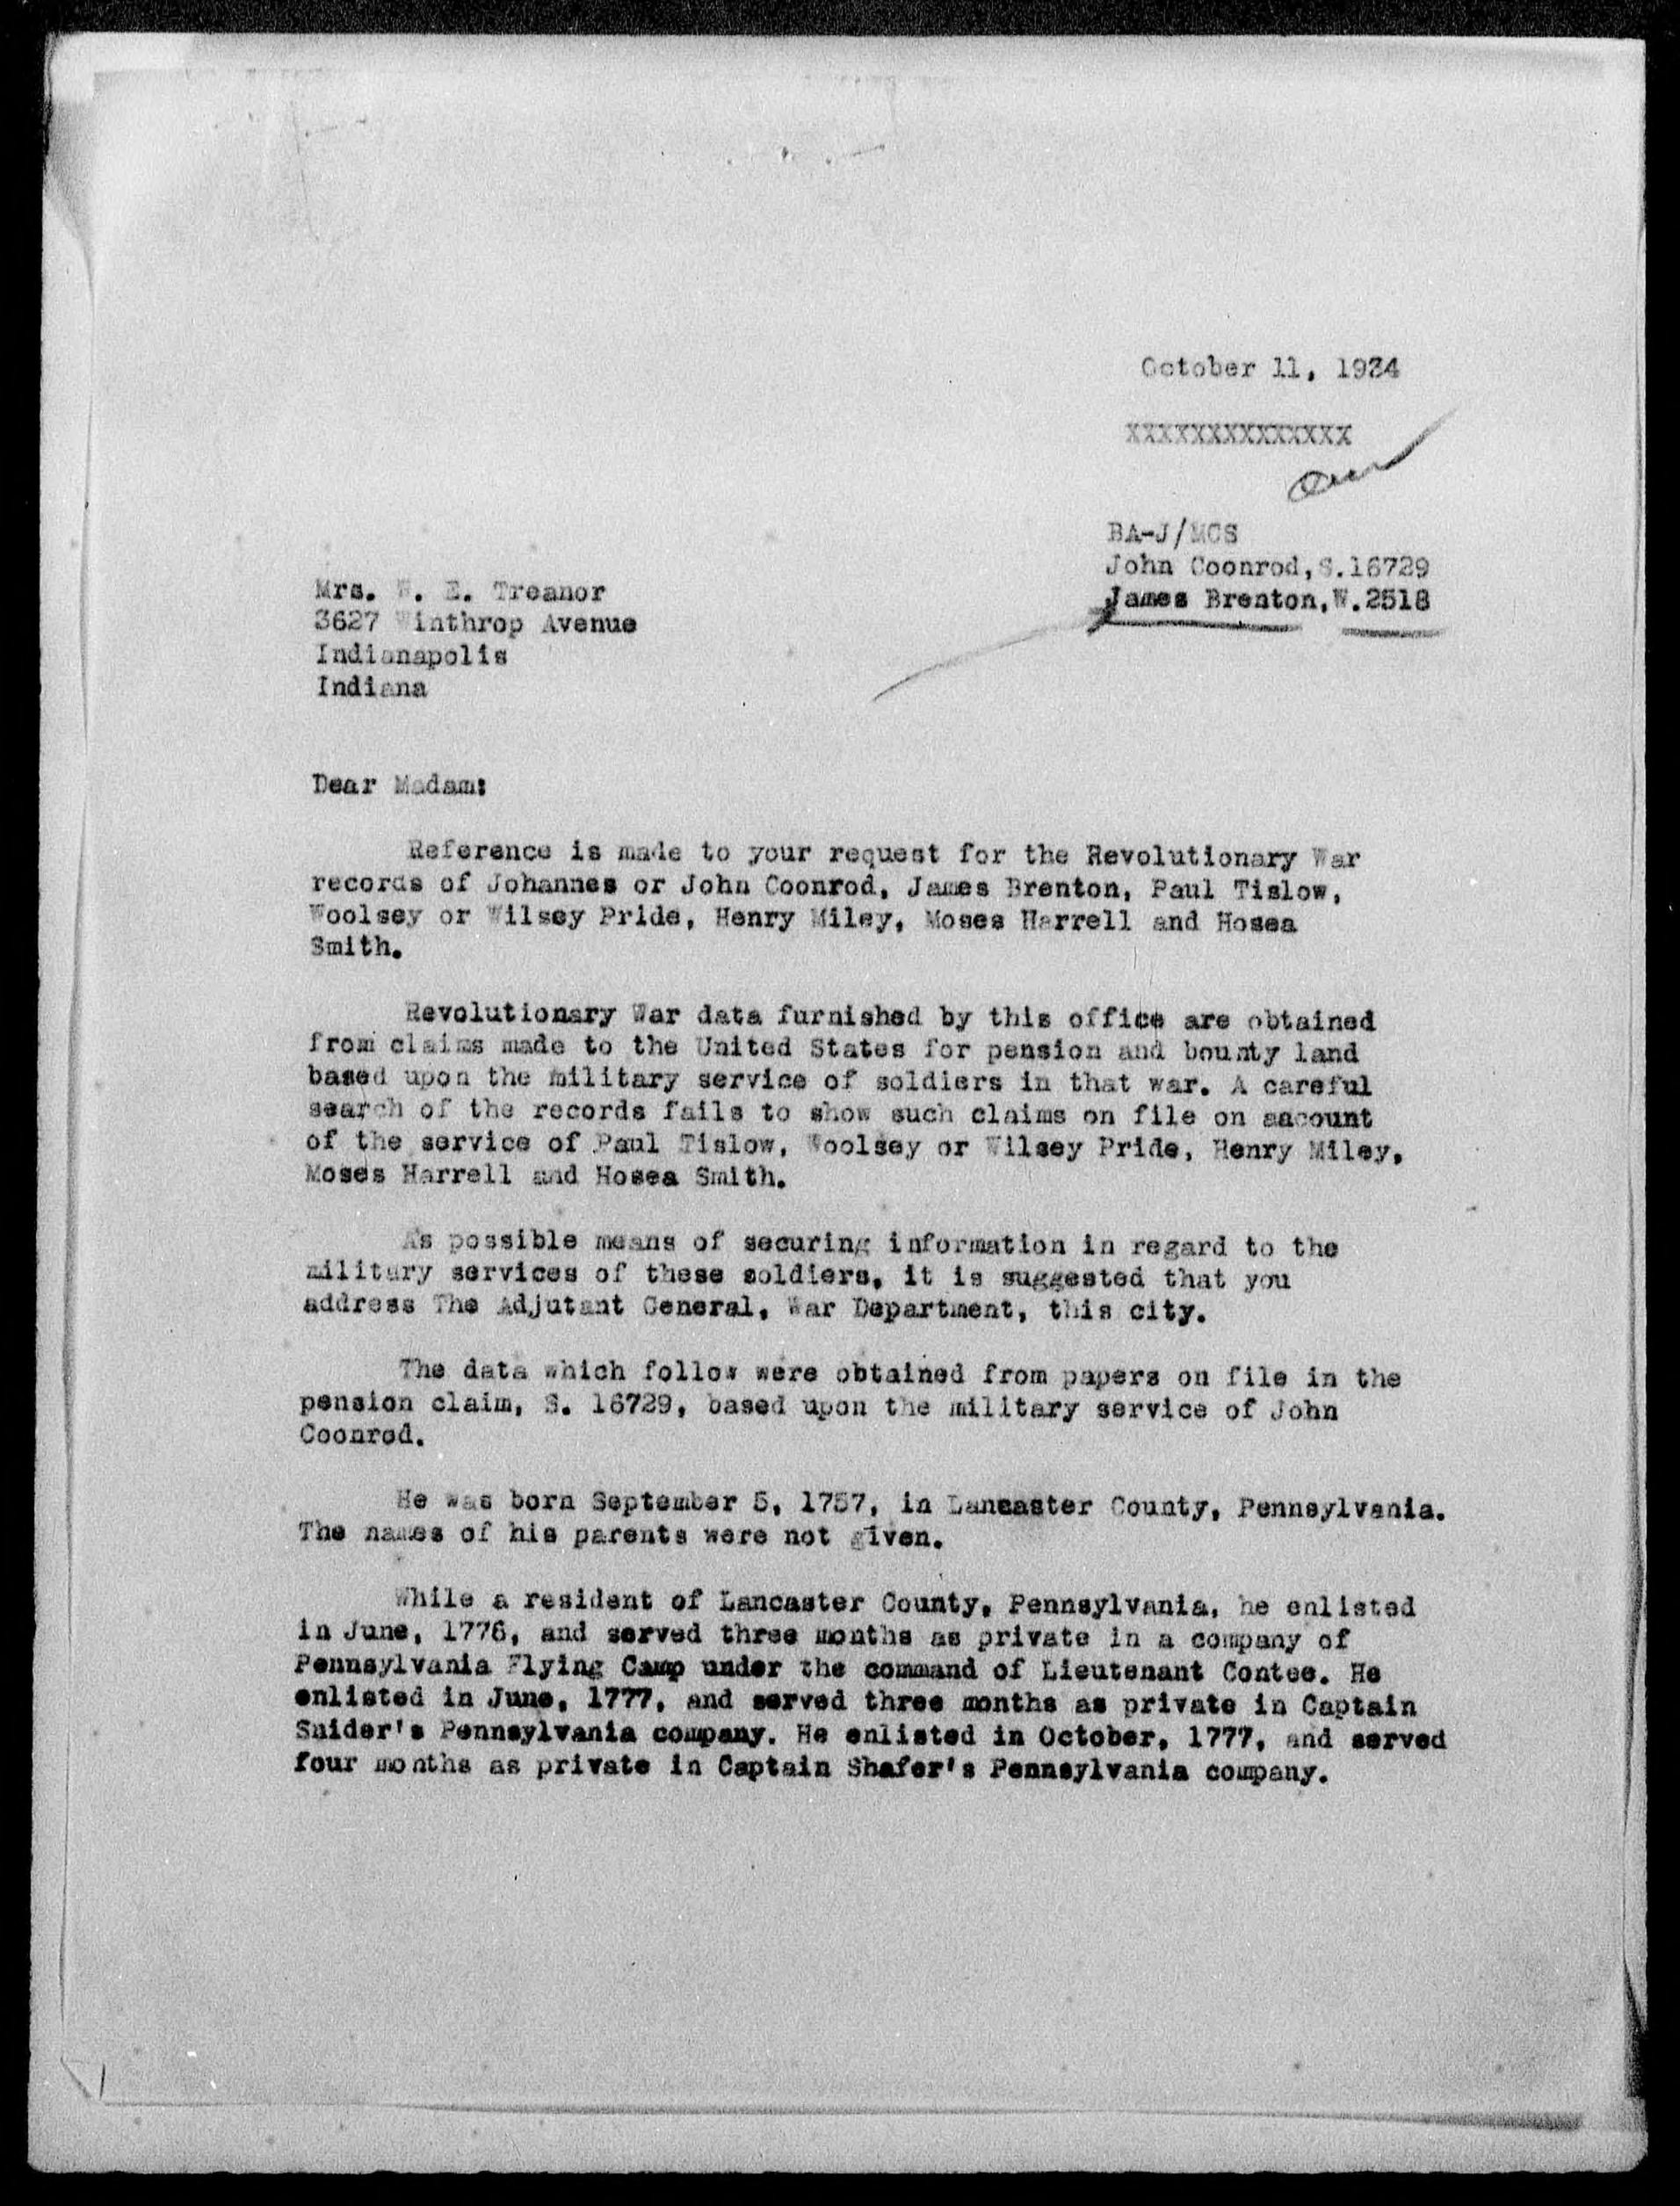October 11, 1934
BA-J/MCS
John Coonrod, S.16729
James Brenton, W.2518

Mrs. W. E. Treanor
3627 Winthrop Avenue
Indianapolis Indiana
Dear Madam:
Reference is made to your request for the Revolutionary War records of Johannes or John Coonrod, James Brenton, Paul Tislow, Woolsey or Wilsey Pride, Henry Miley, Moses Harrell and Hosea Smith.
Revolutionary War data furnished by this office are obtained from claims made to the United States for pension and bounty land based upon the military service of the soldiers in that war. A careful search of the records fails to show such claims on file on account of the service of Paul Tislow, Woolsey or Wilsey Pride, Henry Miley, Moses Harrell and Hosea Smith.
As possible means of securing information in regard to the military services of these soldiers, it is suggested that you address The Adjutant General, War Department, this city.
The data which follow were obtained from papers on file in the pension claim, S.16729, based upon the military service of John Coonrod.
He was born September 5, 1757, in Lancaster County, Pennsylvania. The names of his parents were not given.
While a resident of Lancaster County, Pennsylvania, he enlisted in June, 1776 and served three months as private in a company of Pennsylvania Flying Camp under the command of Lieutenant Contee. He enlisted in June, 1777, and served three months as a private in Captain Snider's Pennsylvania company. He enlisted in October, 1777, and served four months as private in Captain Shafer's Pennsylvania company.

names: Wilsey Pride, Paul Tislow, Wilsey Pride, Henry Miley, Paul Tislow, James Brenton, Johannes Coonrod, Moses Harrell, John Coonrod, Henry Miley, Hosea Smith, James Brenton, Woolsey Pride, John Coonrod, W E Treanor, Woolsey Pride, John Coonrod, Hosea Smith, Moses Harrell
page: 16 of 49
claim: widow's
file: W. 2518, James Brenton, Va.